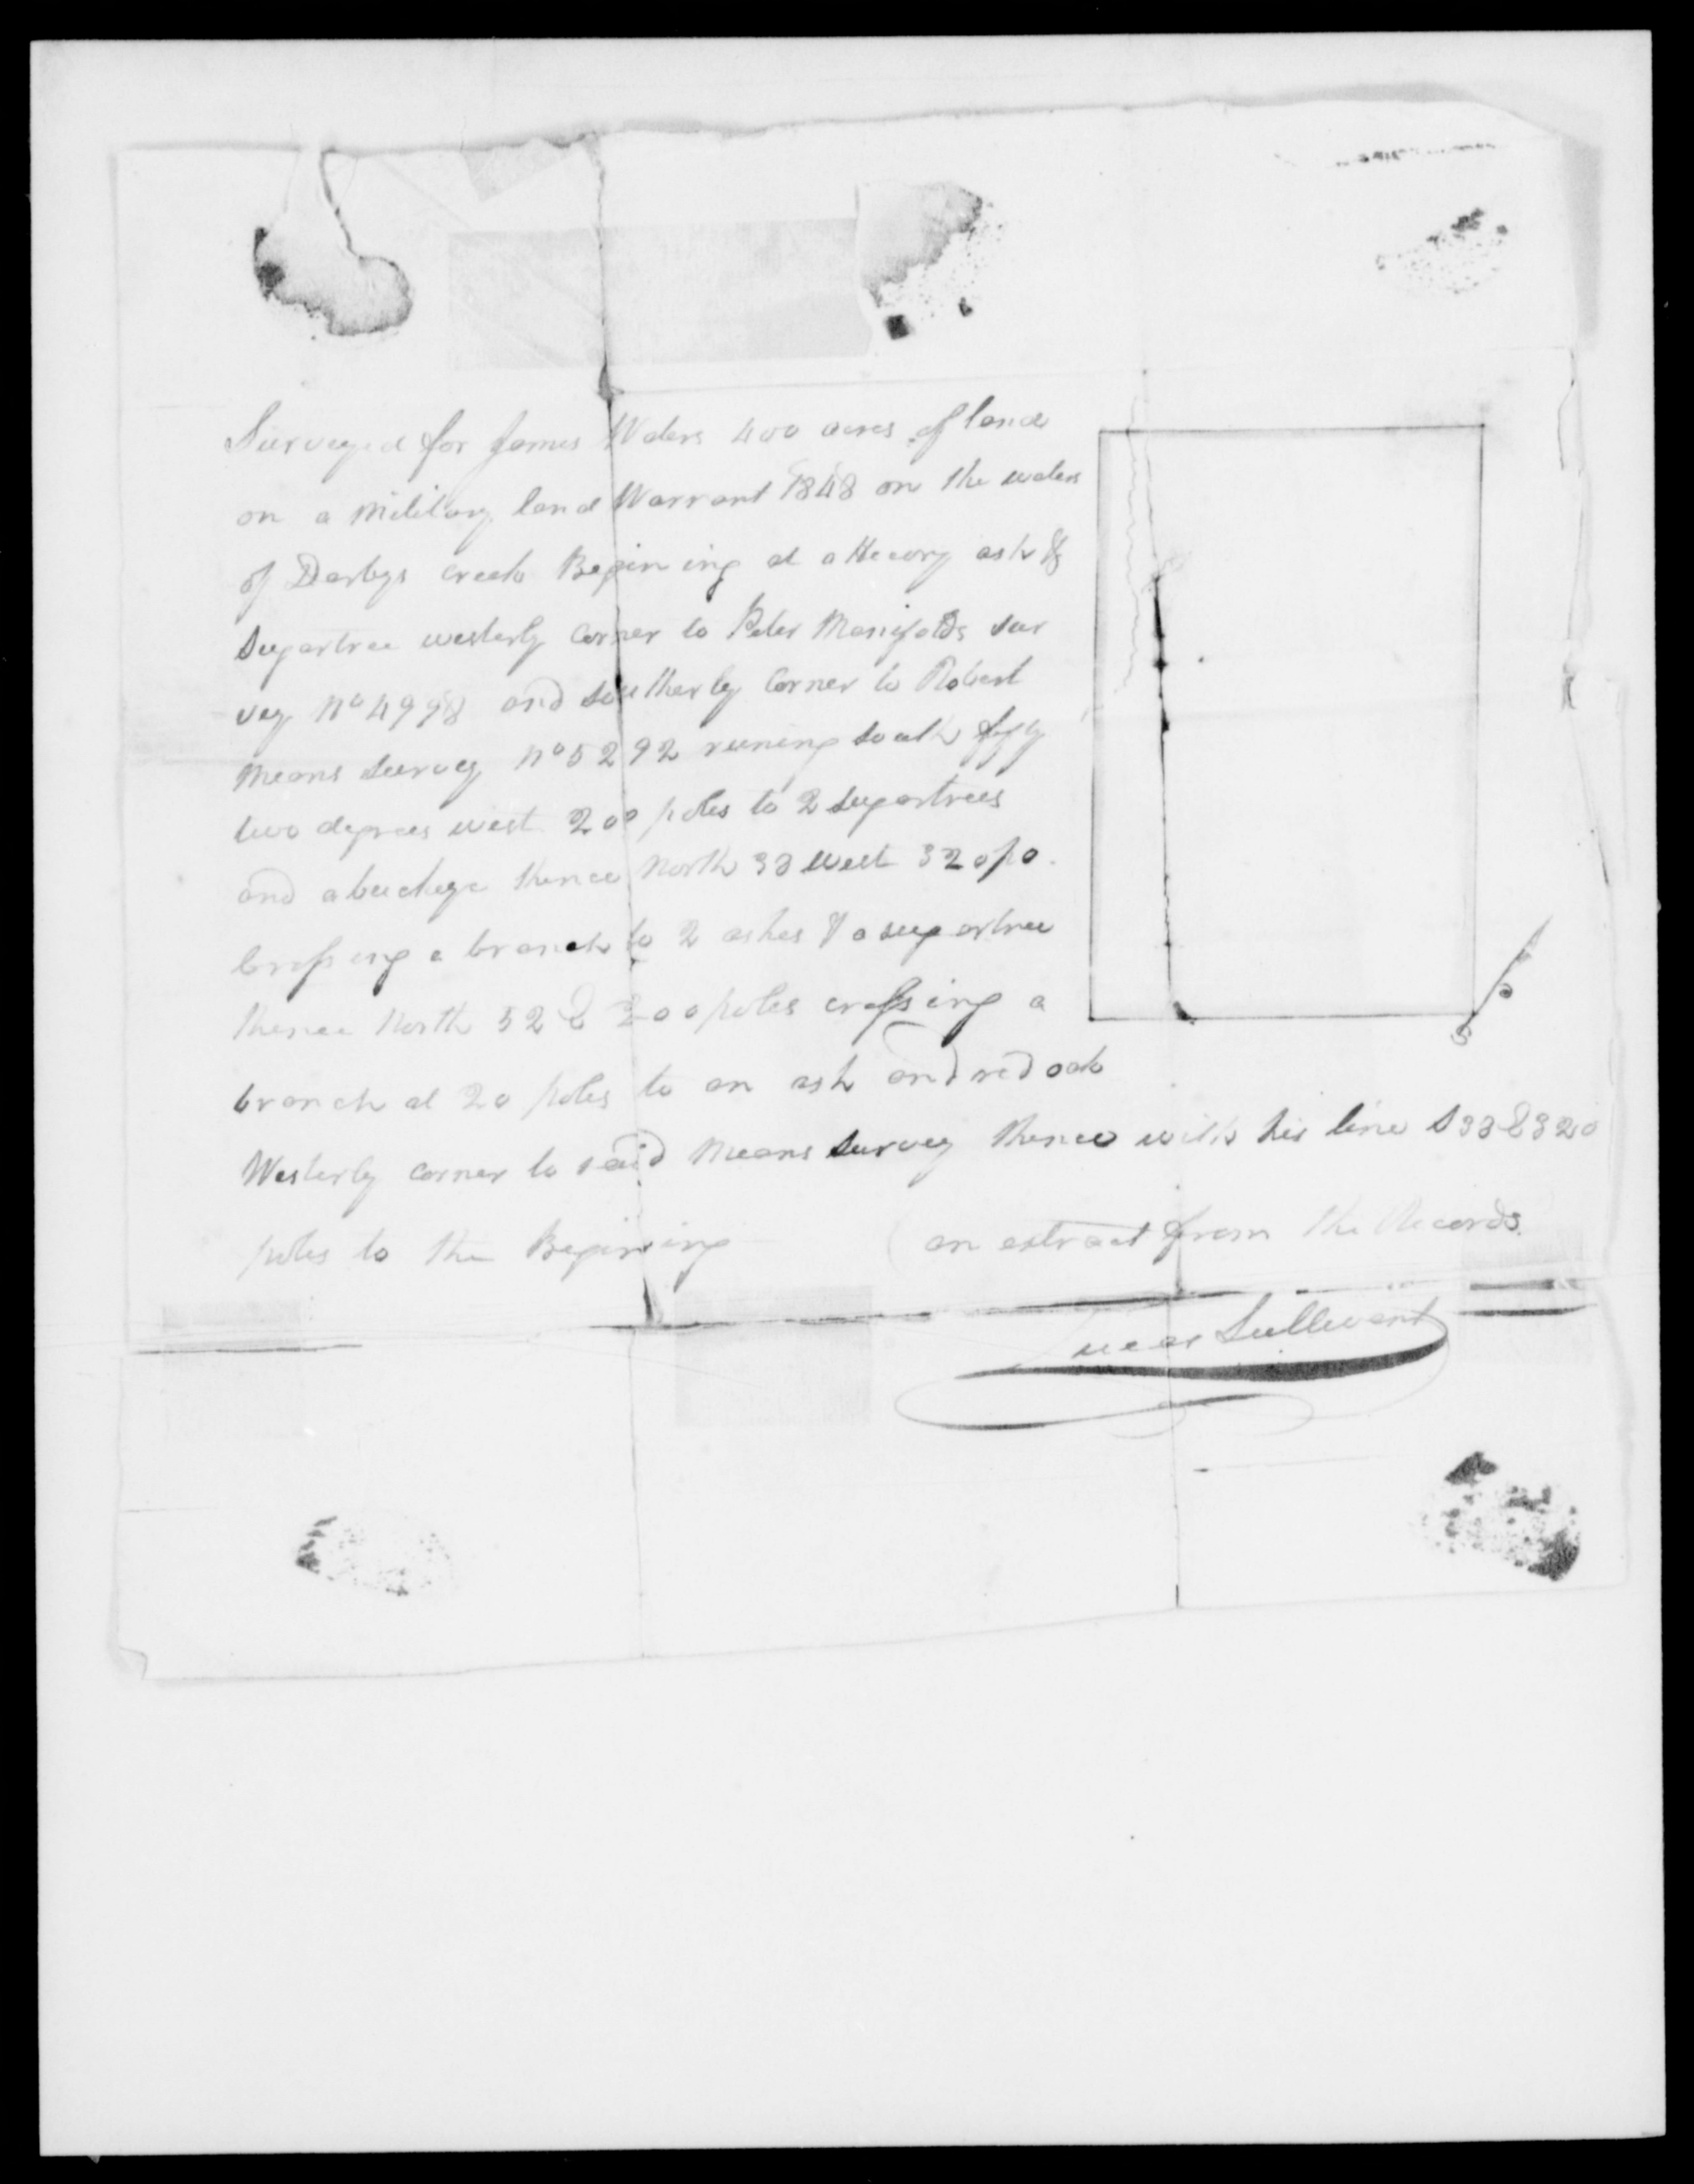Surveyed for James Waters 400 acres of land
on a Military land Warrant 1848 on the waters
of Derbys creek Begining at a Hecory ash &
Sugartree westerly corner to Peter Manifolds survey
No 4998 and southerly corner to Robert
Means Survey No 5292 runing southerly
two degrees west 200 poles to 2 Sugartrees
and a buchege thence North 36 West [illegible]
crossing a branch to 2 ashes & a sugartree
thence North 52 & 200 poles crossing a
branch at 20 poles to an ash and red oak
Westerly corner to said Means survey thence with his line S36 E3 20
poles to the Begining
an extract from the Records
[signature] [illegible] Sullivant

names: Robert Means, Peter Mansfeld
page: 3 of 29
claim: survivor's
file: S. 40642, James Waters, Continental (Md)